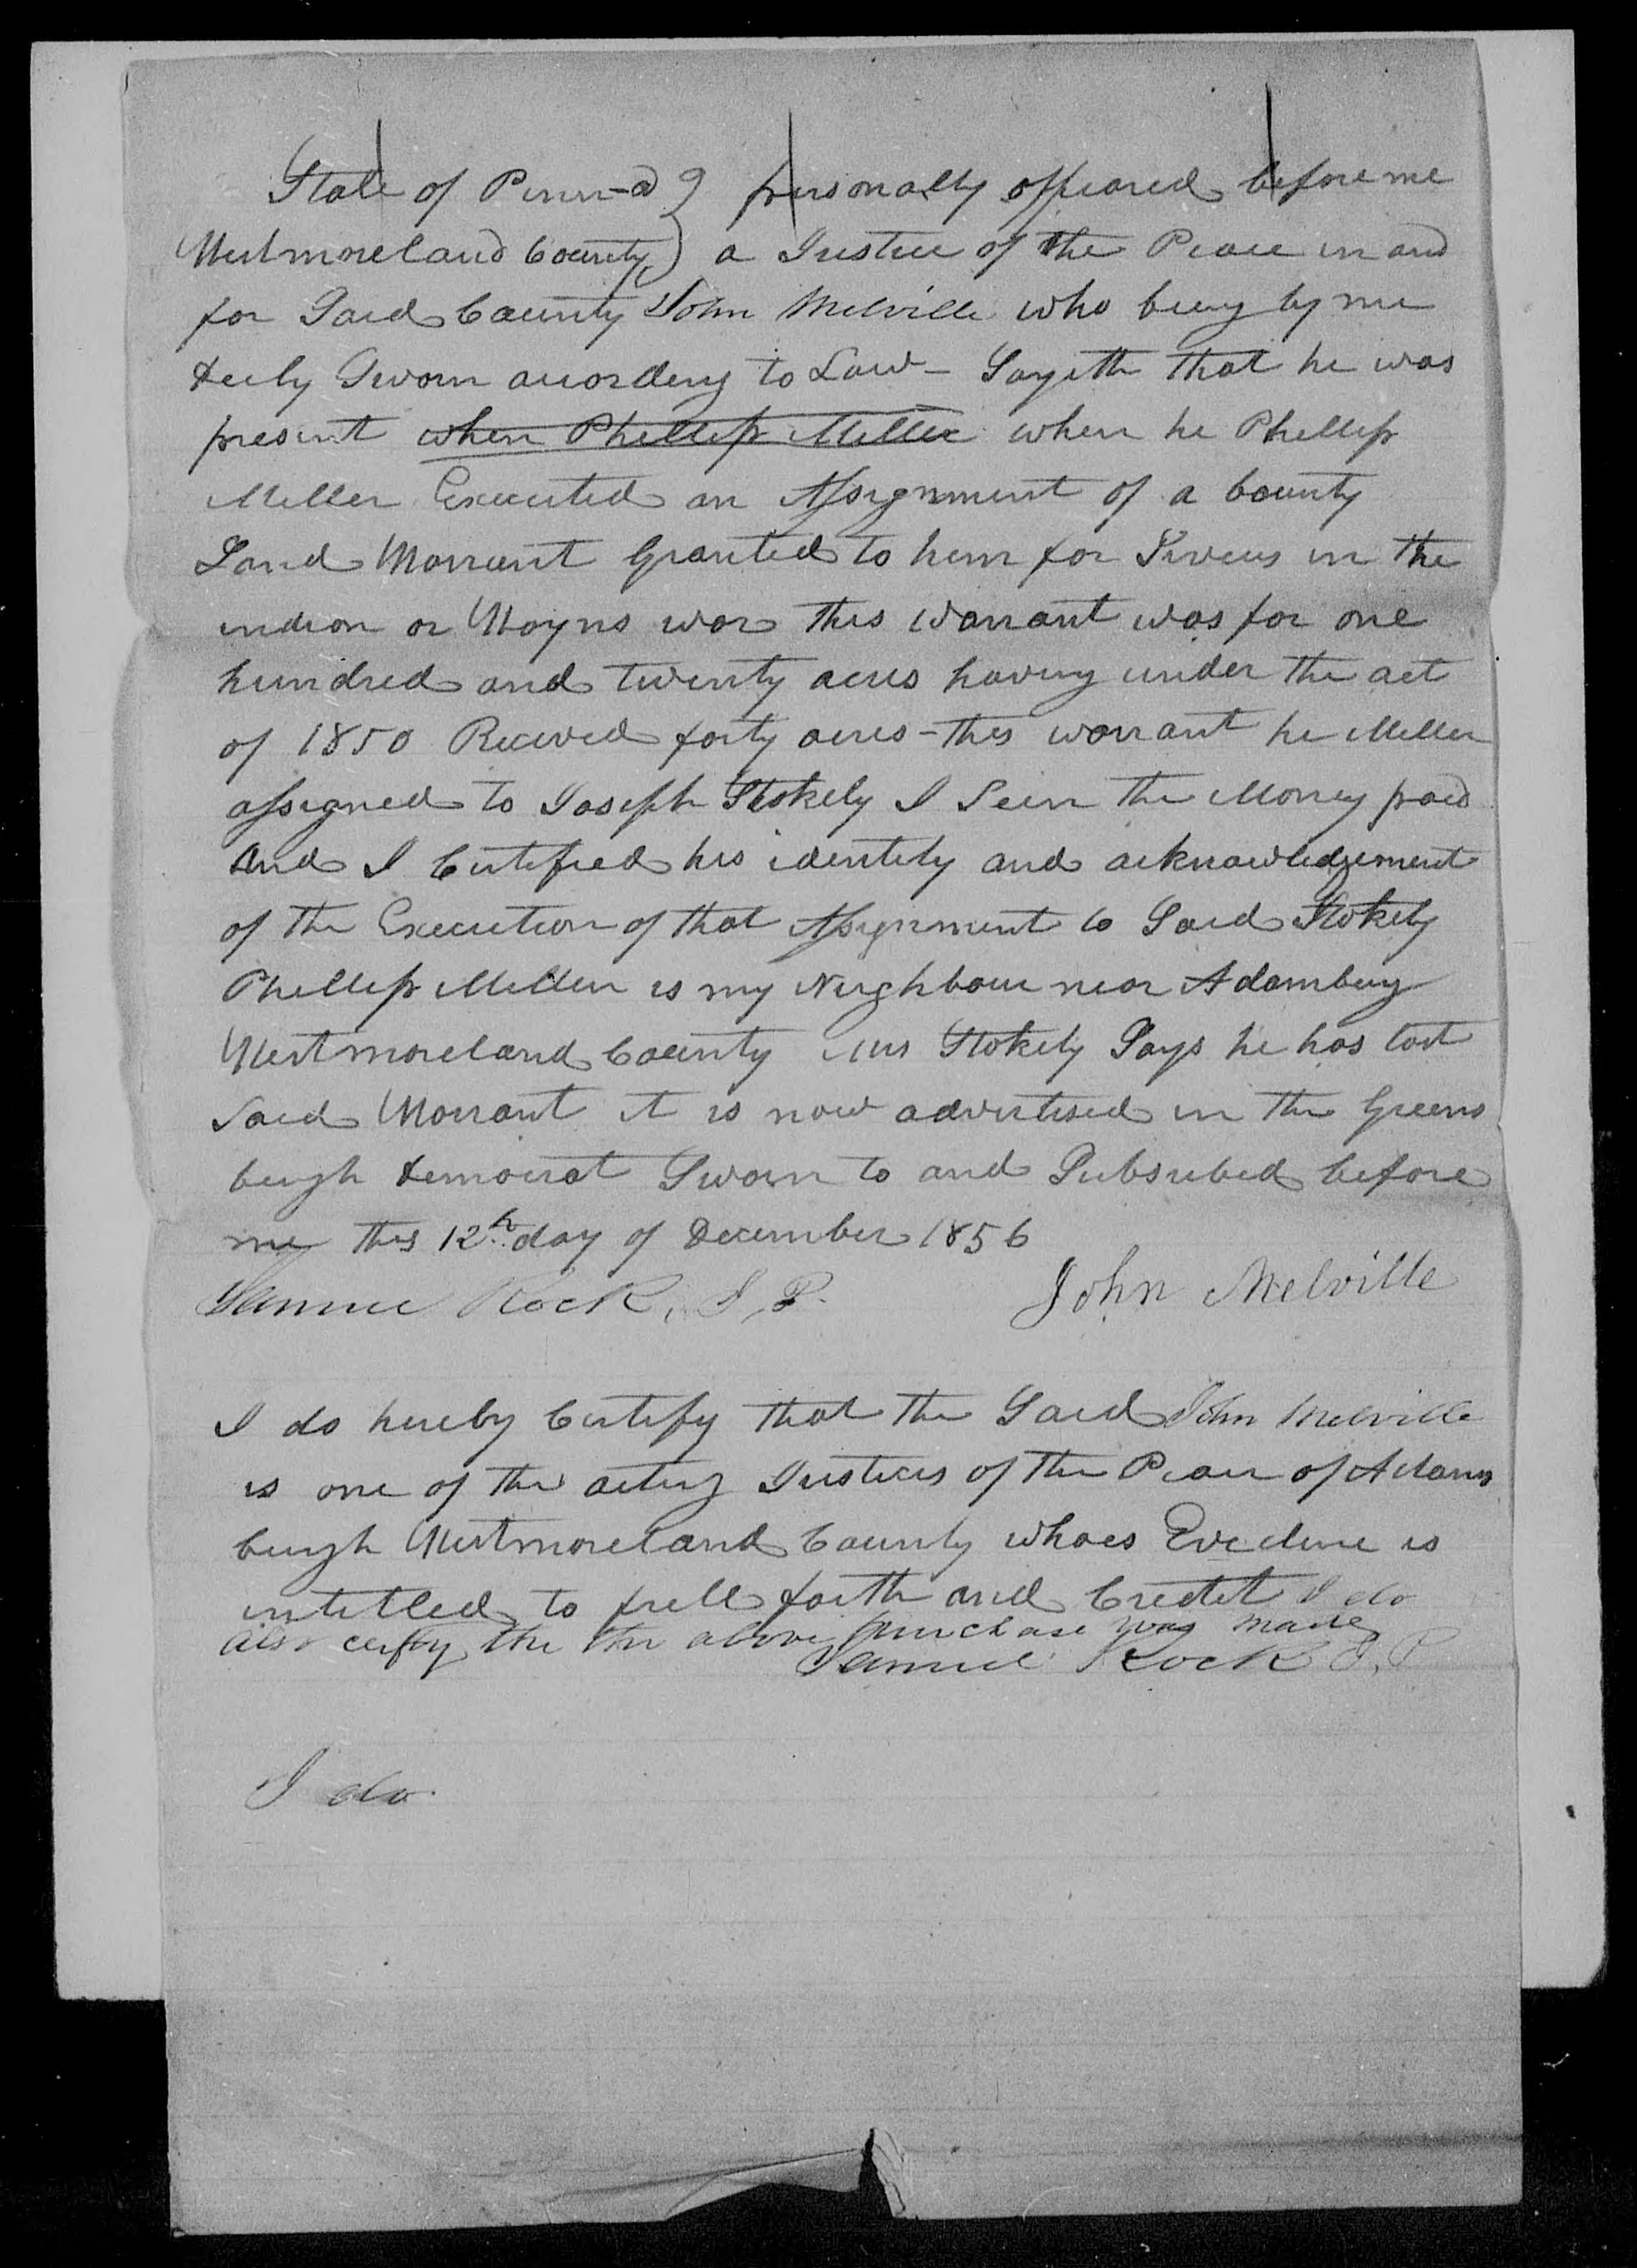State of Penna
Westmoreland County }
Personally appeared before me a Justice of the Peace in and for Said County John Melville who being by me duly sworn according to Law- Sayeth that he was present ("when Philip Miller" crossed off) when he Philip Miller Executed an assignment of a bounty Land Warrant Granted to him for Services in the Indian or Wayne war this warrant was for one hundred and twenty acres having under the act of 1850 Received forty acres--this warrant he Miller assigned to Joseph Stokely I seen the money paid and I certified his identity and acknowledged of the Execution of that payment to said Stokely Philip Miller is my neighbor near Adamsbury Westmoreland County and Stokely Says he has lost said warrant it is now advertised in the Greenburg Democrat Sworn to and Subscribed before me this 12th day of December 1856
John Melville
Samuel Rock JP

I do hereby certify that the said John Melville is one of the acting Justices of the Peace of Adamsbury Westmoreland County whose Evidence is entitled to full faith and credit I do also certify that the above purchase was made
Samuel  Rock JP

I do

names: Stokely, Stokely, Phillip Miller, Phillip Miller, Samuel Rock, John Melville, John Melville, Samuel Rock, John Melville, Joseph Stokely, Miller, Phillip Miller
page: 66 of 92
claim: widow's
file: W 1173, Robert Hamill, Penn.